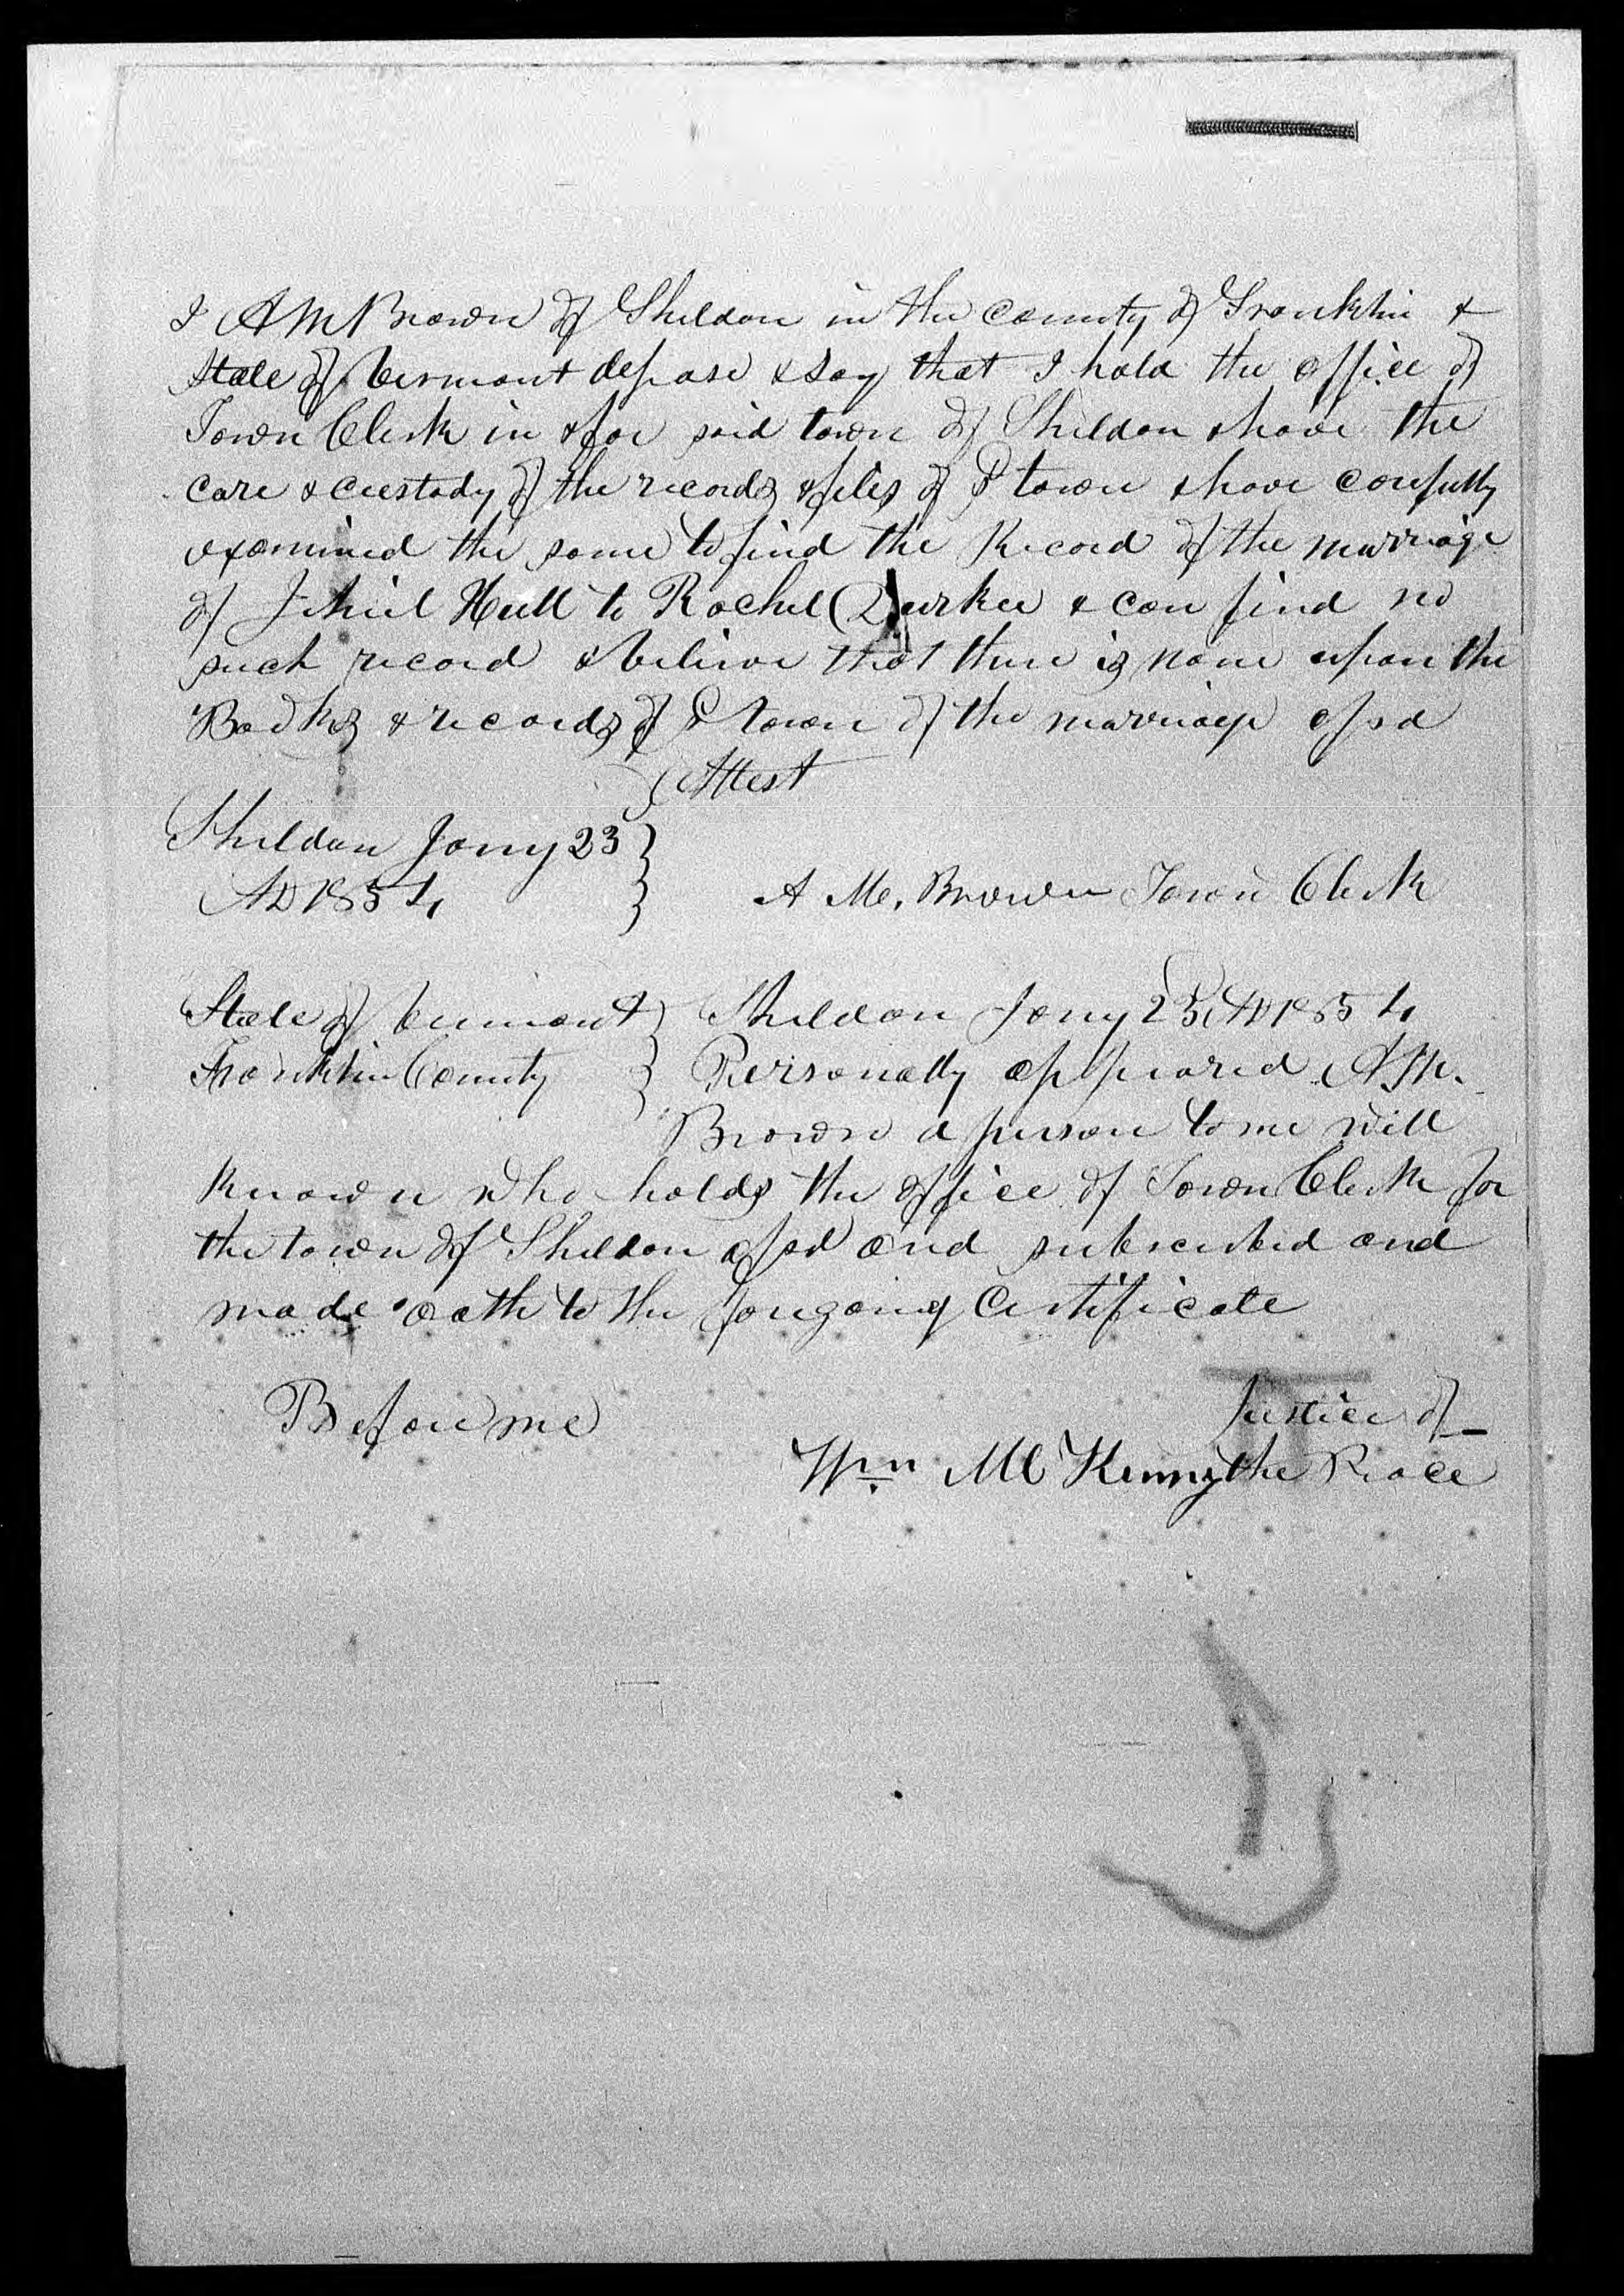I Am Brown of Sheldon in the County of Franklin & State of Vermont depose & say that I hold the office of Town Clerk in the aforesaid town of Sheldon have the care & custody of the records & files of sd town above carefully examined the some to find the Record of the marriage of Jehiel Hull and Rachel Durkee and can find no such record & believe that there is now appears in the Book of records & Order of the marriage of sd Attest
Sheldon Jany 23 AD 1851
A M Brown, Town Clerk
State of Vermont SS,
Franklin County SS
 Sheldon Jany 23 AD 1854 Personally appeared A M Brown, a person to me well known who holds the office of Town Clerk for the Town of Sheldon aforesaid subscribed and made oath to the foregoing certificate
Before me
Wm McKenny, Justice of the Peace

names: Rachel Durkee, Wm Mc Kenny, A M Brown, Jehiel Hull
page: 18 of 58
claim: widow's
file: W. 25813, Jehiel Hull, Conn.